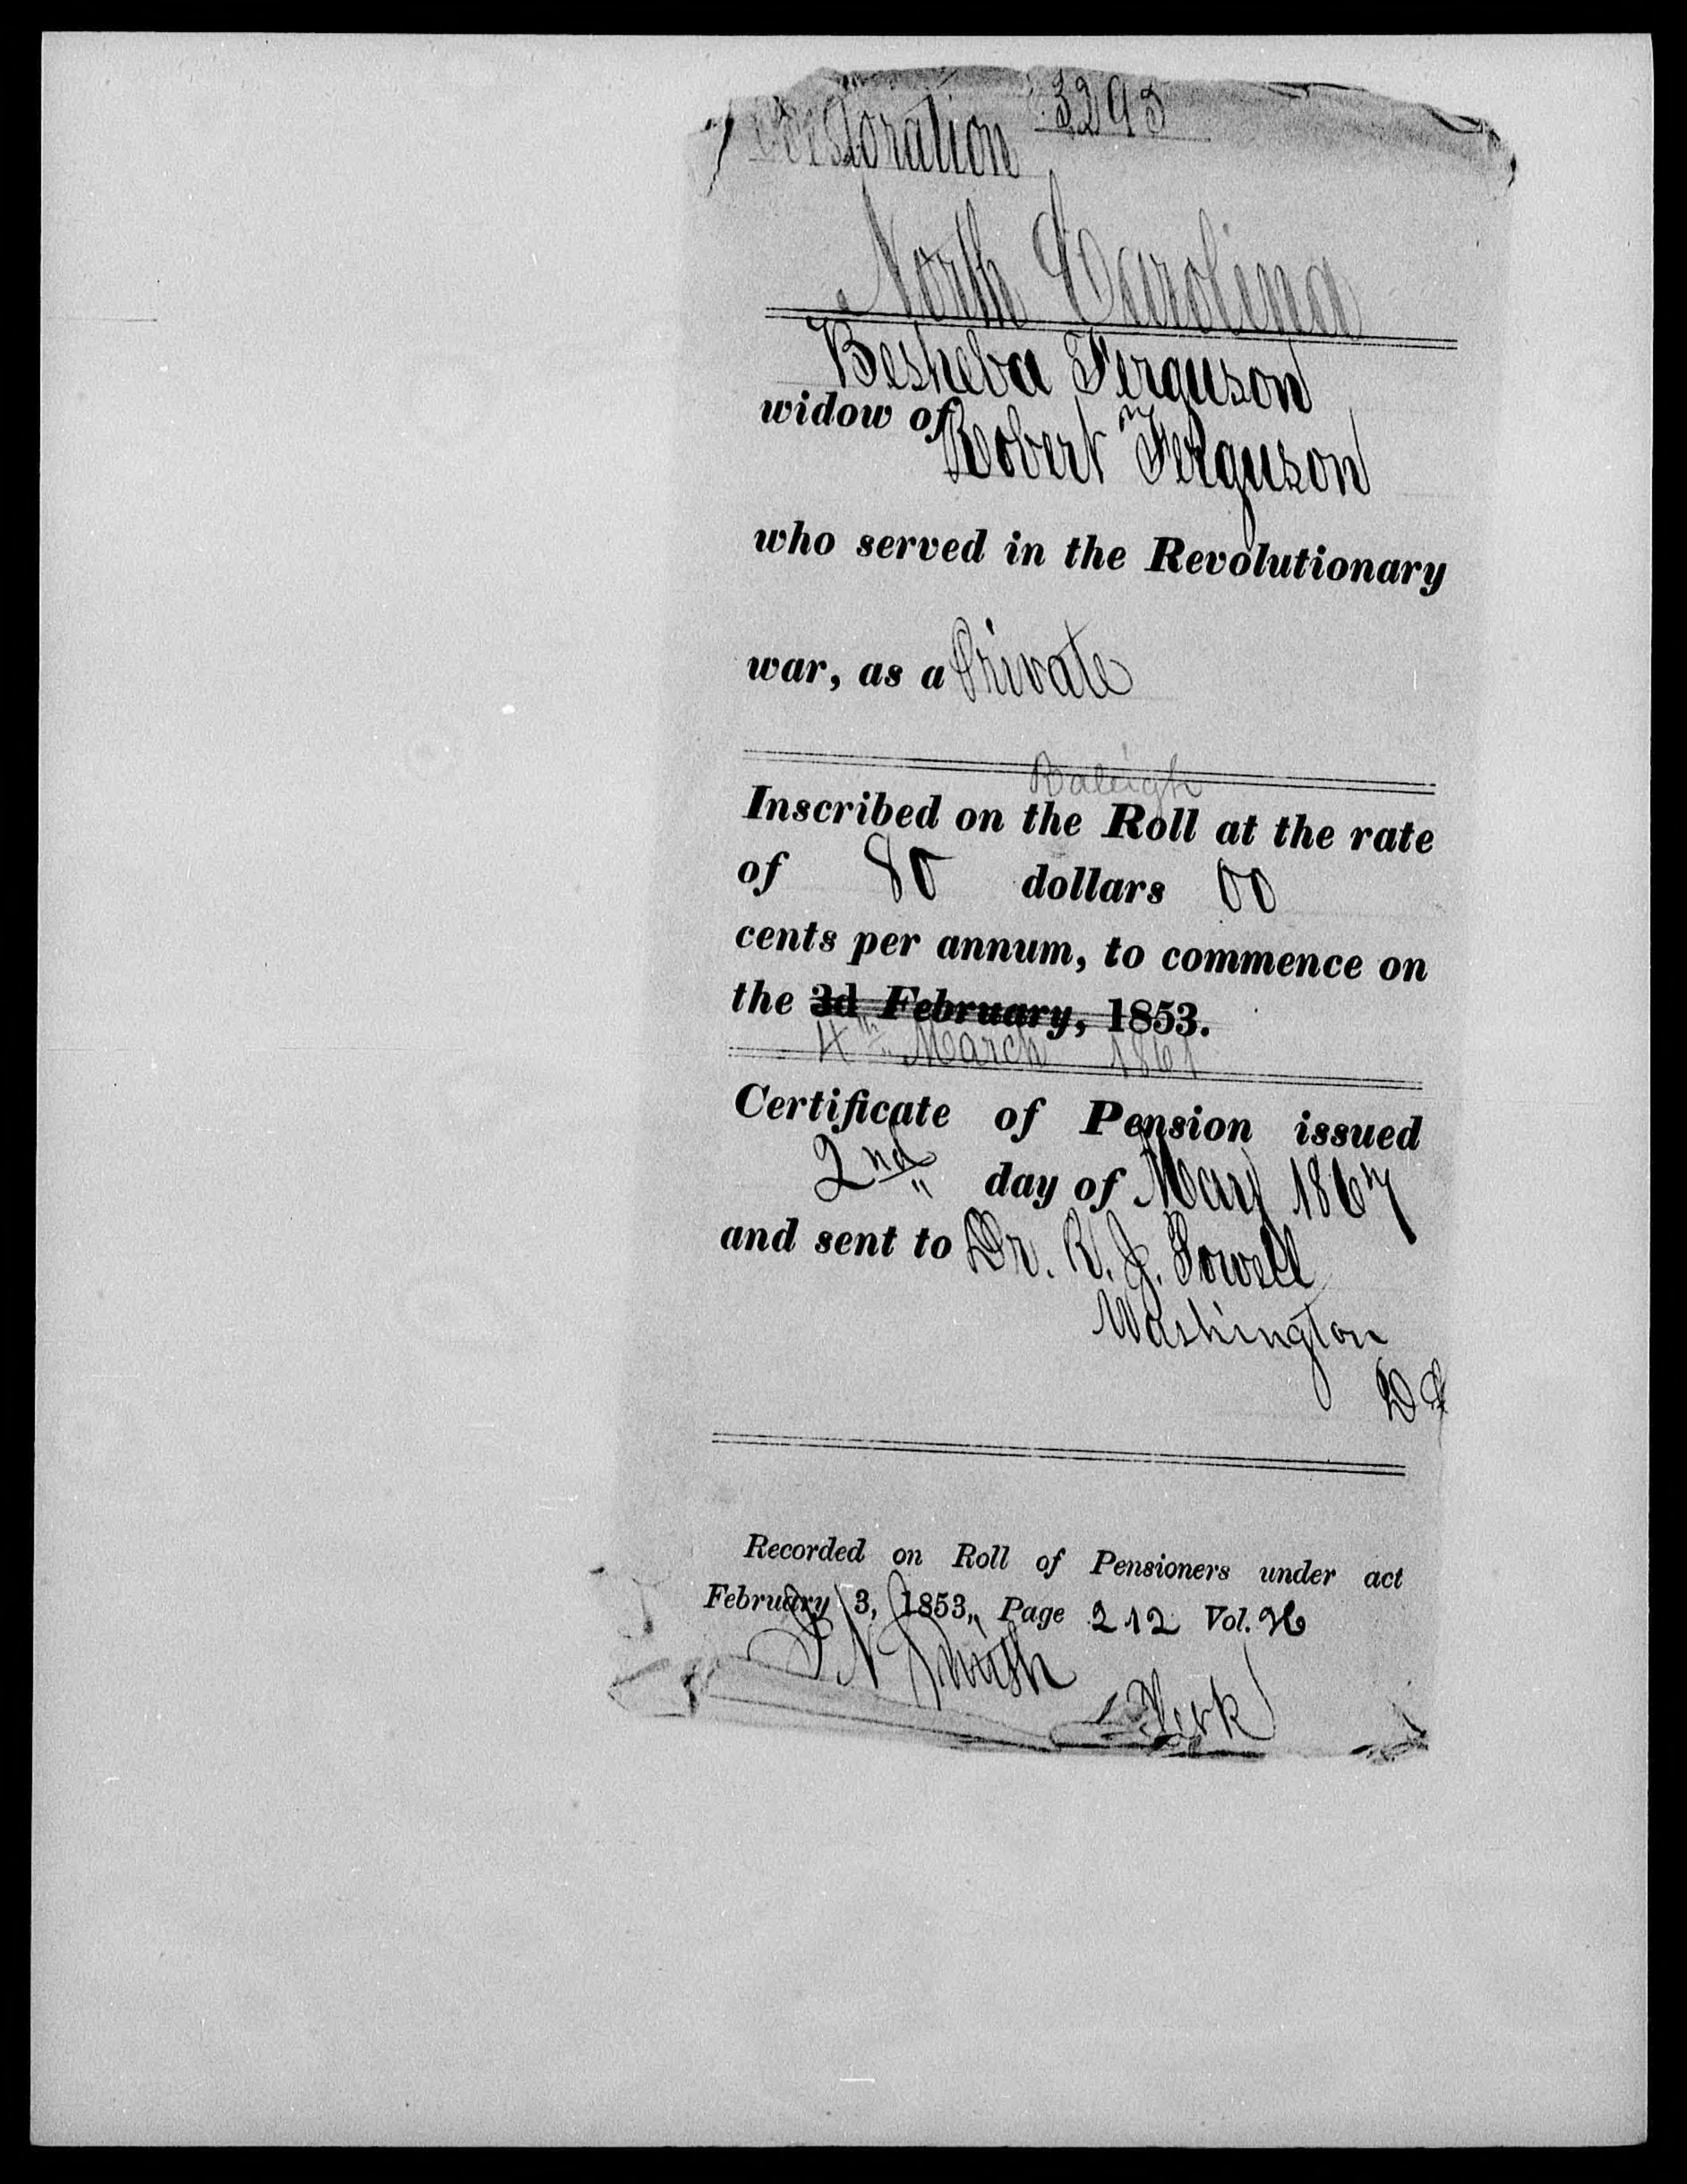3293
Restoration
North Carolina
Besheba Ferguson
widow of Robert Ferguson
who served in the Revolutionary war, as a Private
Inscribed on the ^Raleigh Roll at the rate of 80 dollars 00 cents per annum, to commence on [3d February, 1853 struck through] 4th March 1861 [handwritten]
Certificate of Pension issued 2nd day of May 1867 and sent to Dr. R. J. Powell
Washington
DJ[initials]
Recorded on Roll of Pensioners under act February 3, 1853, Page 212 Vol. U [?]
[signature] G N Amish, Clerk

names: Robert Ferguson, Besheba Ferguson, J N Smith, R J Powell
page: 28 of 81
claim: widow's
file: W. 7262, Robert Ferguson, Va.